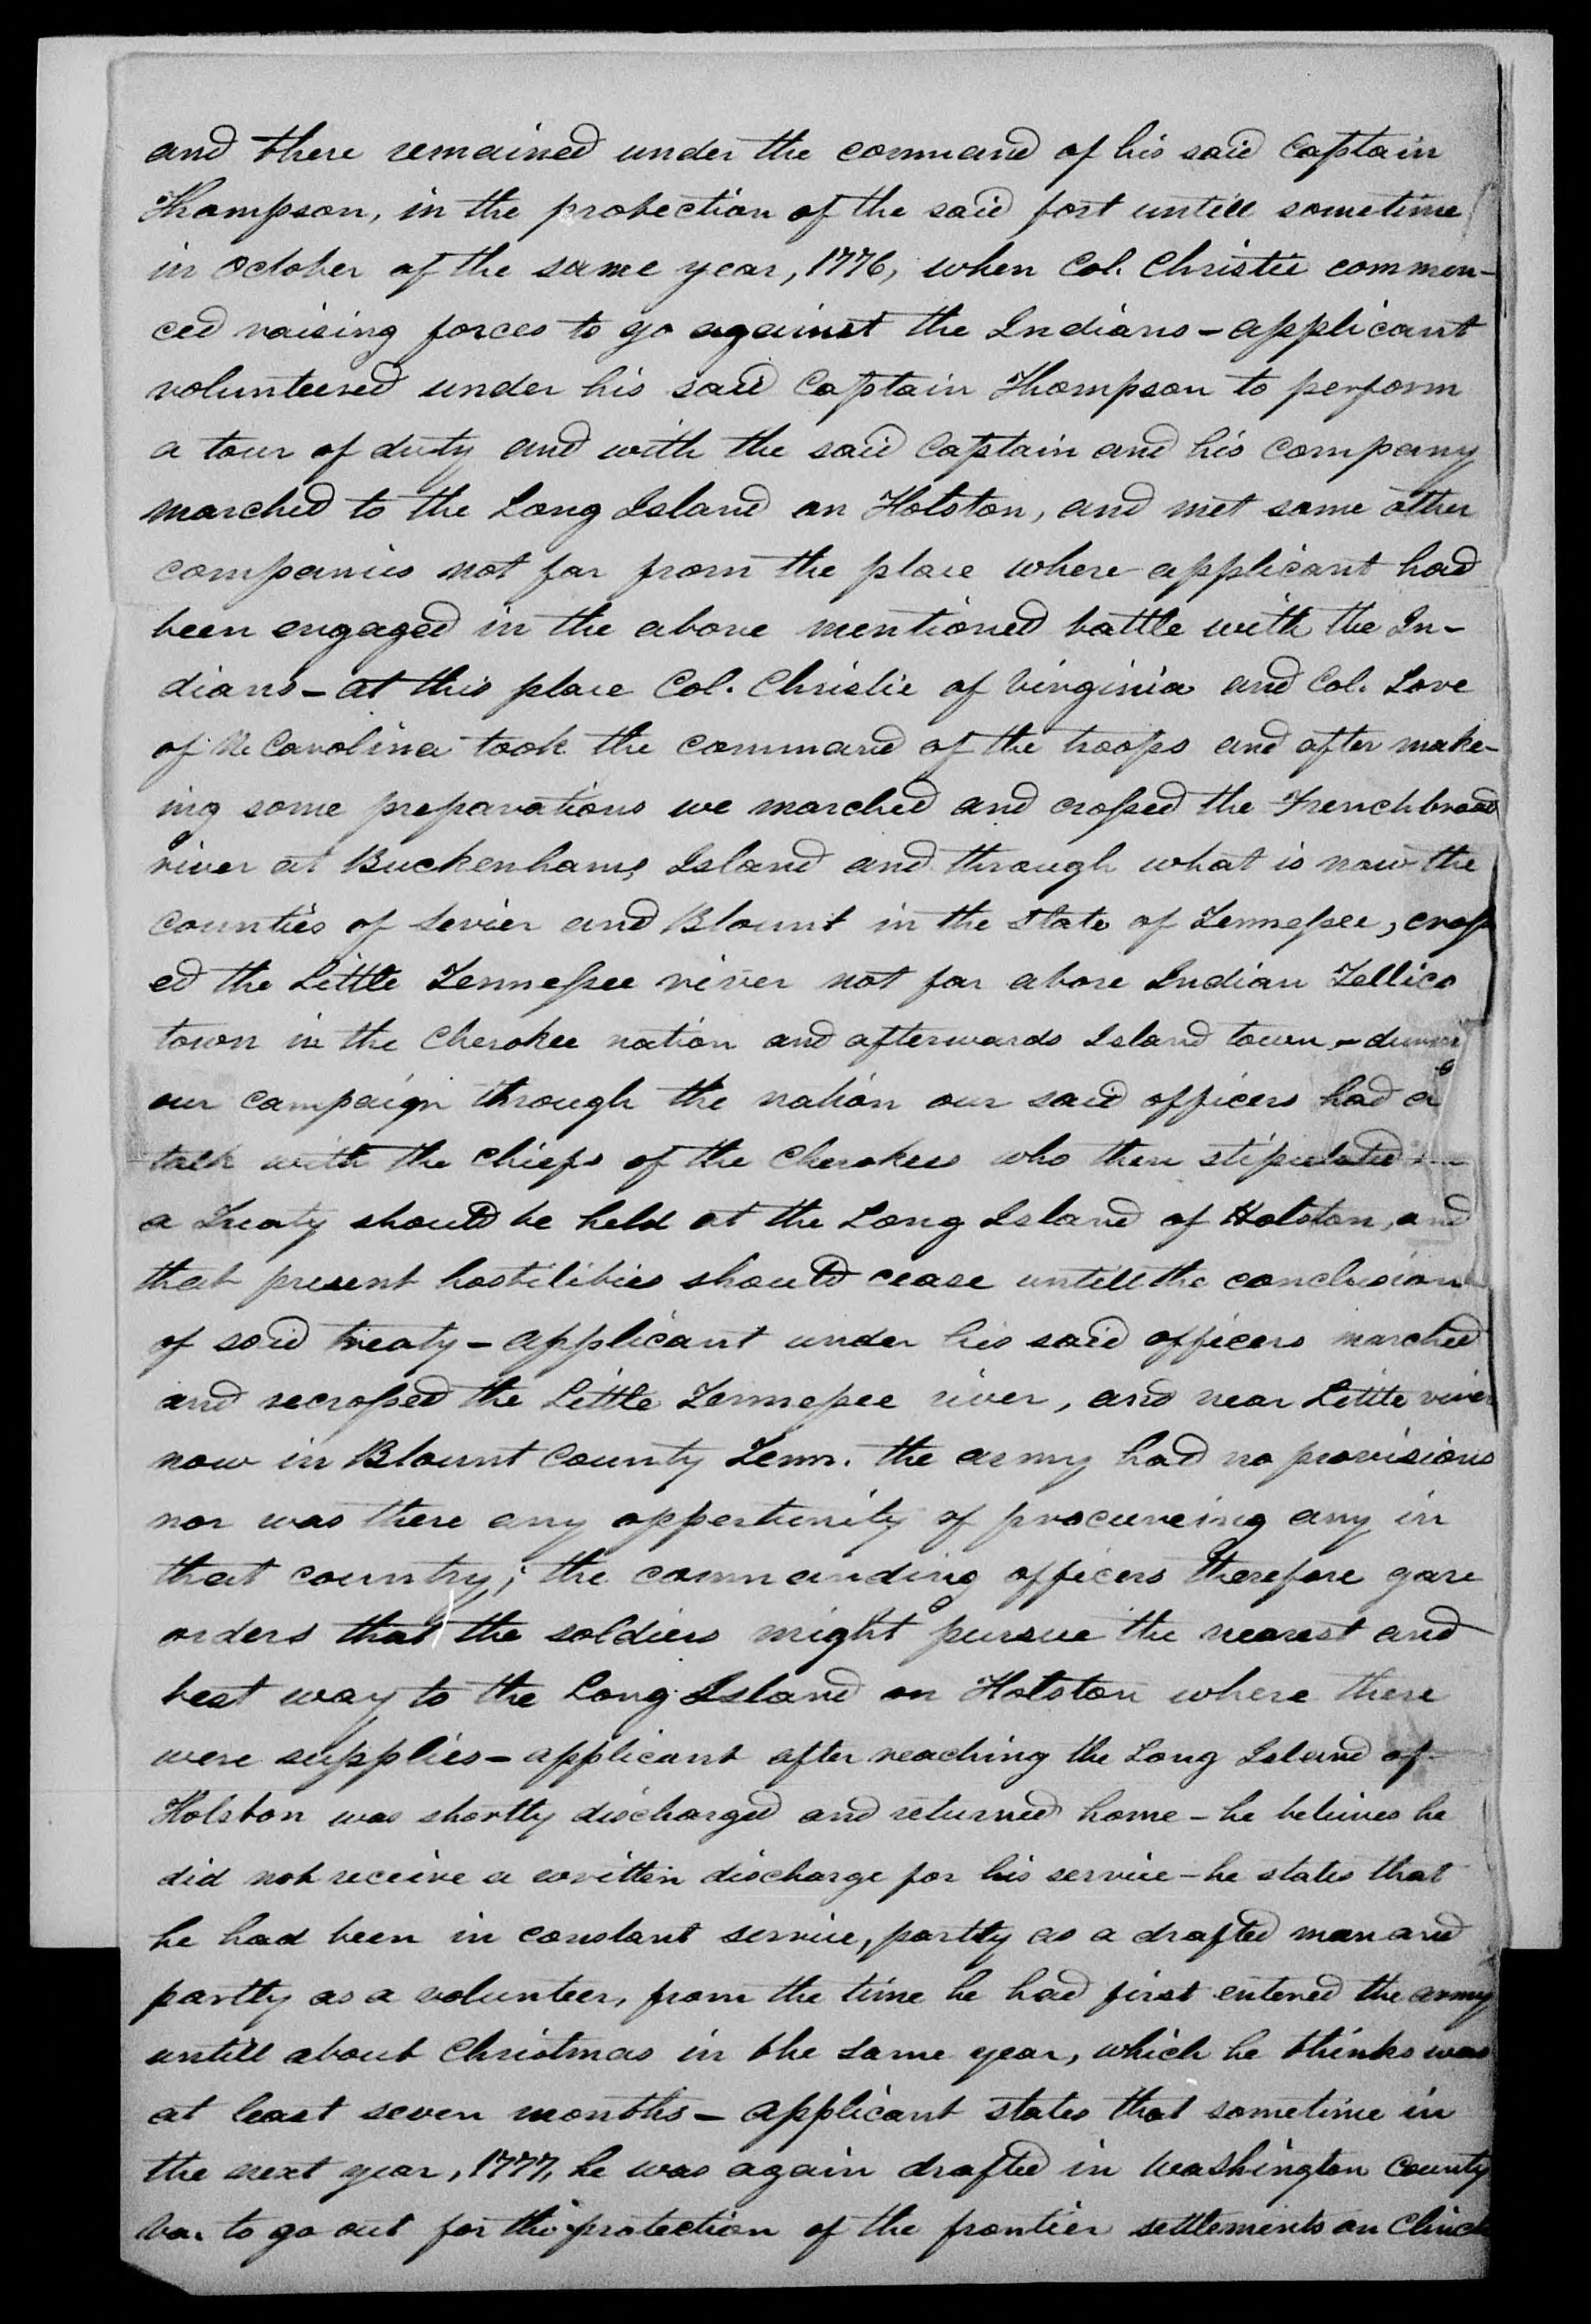and there remained under the command of his said Captain Thompson, in the protection of the said fort untill sometime in October of the same year, 1776, when Col. Christie commenced raising forces to go against the Indians — applicant volunteered under his said Captain Thompson to perform a tour of duty and with the said Captain and his company marched to the Long Island on Holston, and met some other companies not far from the place where applicant had been engaged in the above mentioned battle with the Indians. At this place Col. Christie of Virginia and Col. Love of N. Carolina took the command of the troops and after making some preparations we marched and crossed the French broad river at Buckenhams Island and through what is now the counties of Sevier and Blount in the State of Tennessee, crossed the Little Tennessee River not far above Indian Telco town in the Cherokee nation and afterwards Island town. During our campaign through the nation our said officers had a [page torn] talk with  the chiefs of the Cherokees who these stipulated [page torn] a Treat should be held at the Long Island of Holston, and that present hostilities should cease until the conclusion of said treaty — applicant under his said officers marched and recrossed the Little Tennessee river, and near Little river now in Blount County Tenn. the army had no provisions nor was there any opportunity of procuring any in that country; the commanding officers therefore gave orders that the soldiers ,might pursue the nearest and best way to the Long Island on Holston where there were supplies — applicant after reaching the Long Island of Holston was shortly discharged and returned home — he believes he did not receive a written discharge for his service  — he states that he had been in constant service, partly as a drafted man and partly as a volunteer, from the time he had first entered the army until about Christmas in the same year, which he thinks was at least seven months — applicant states that sometime in the next year, 1777, he was again drafted in Washington County Va. to go out for the protection of the frontier settlements on Clinch [page ends]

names: Love, Christie, Thompson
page: 4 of 19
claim: survivor's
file: S. 1826, George Hufacre, Va.